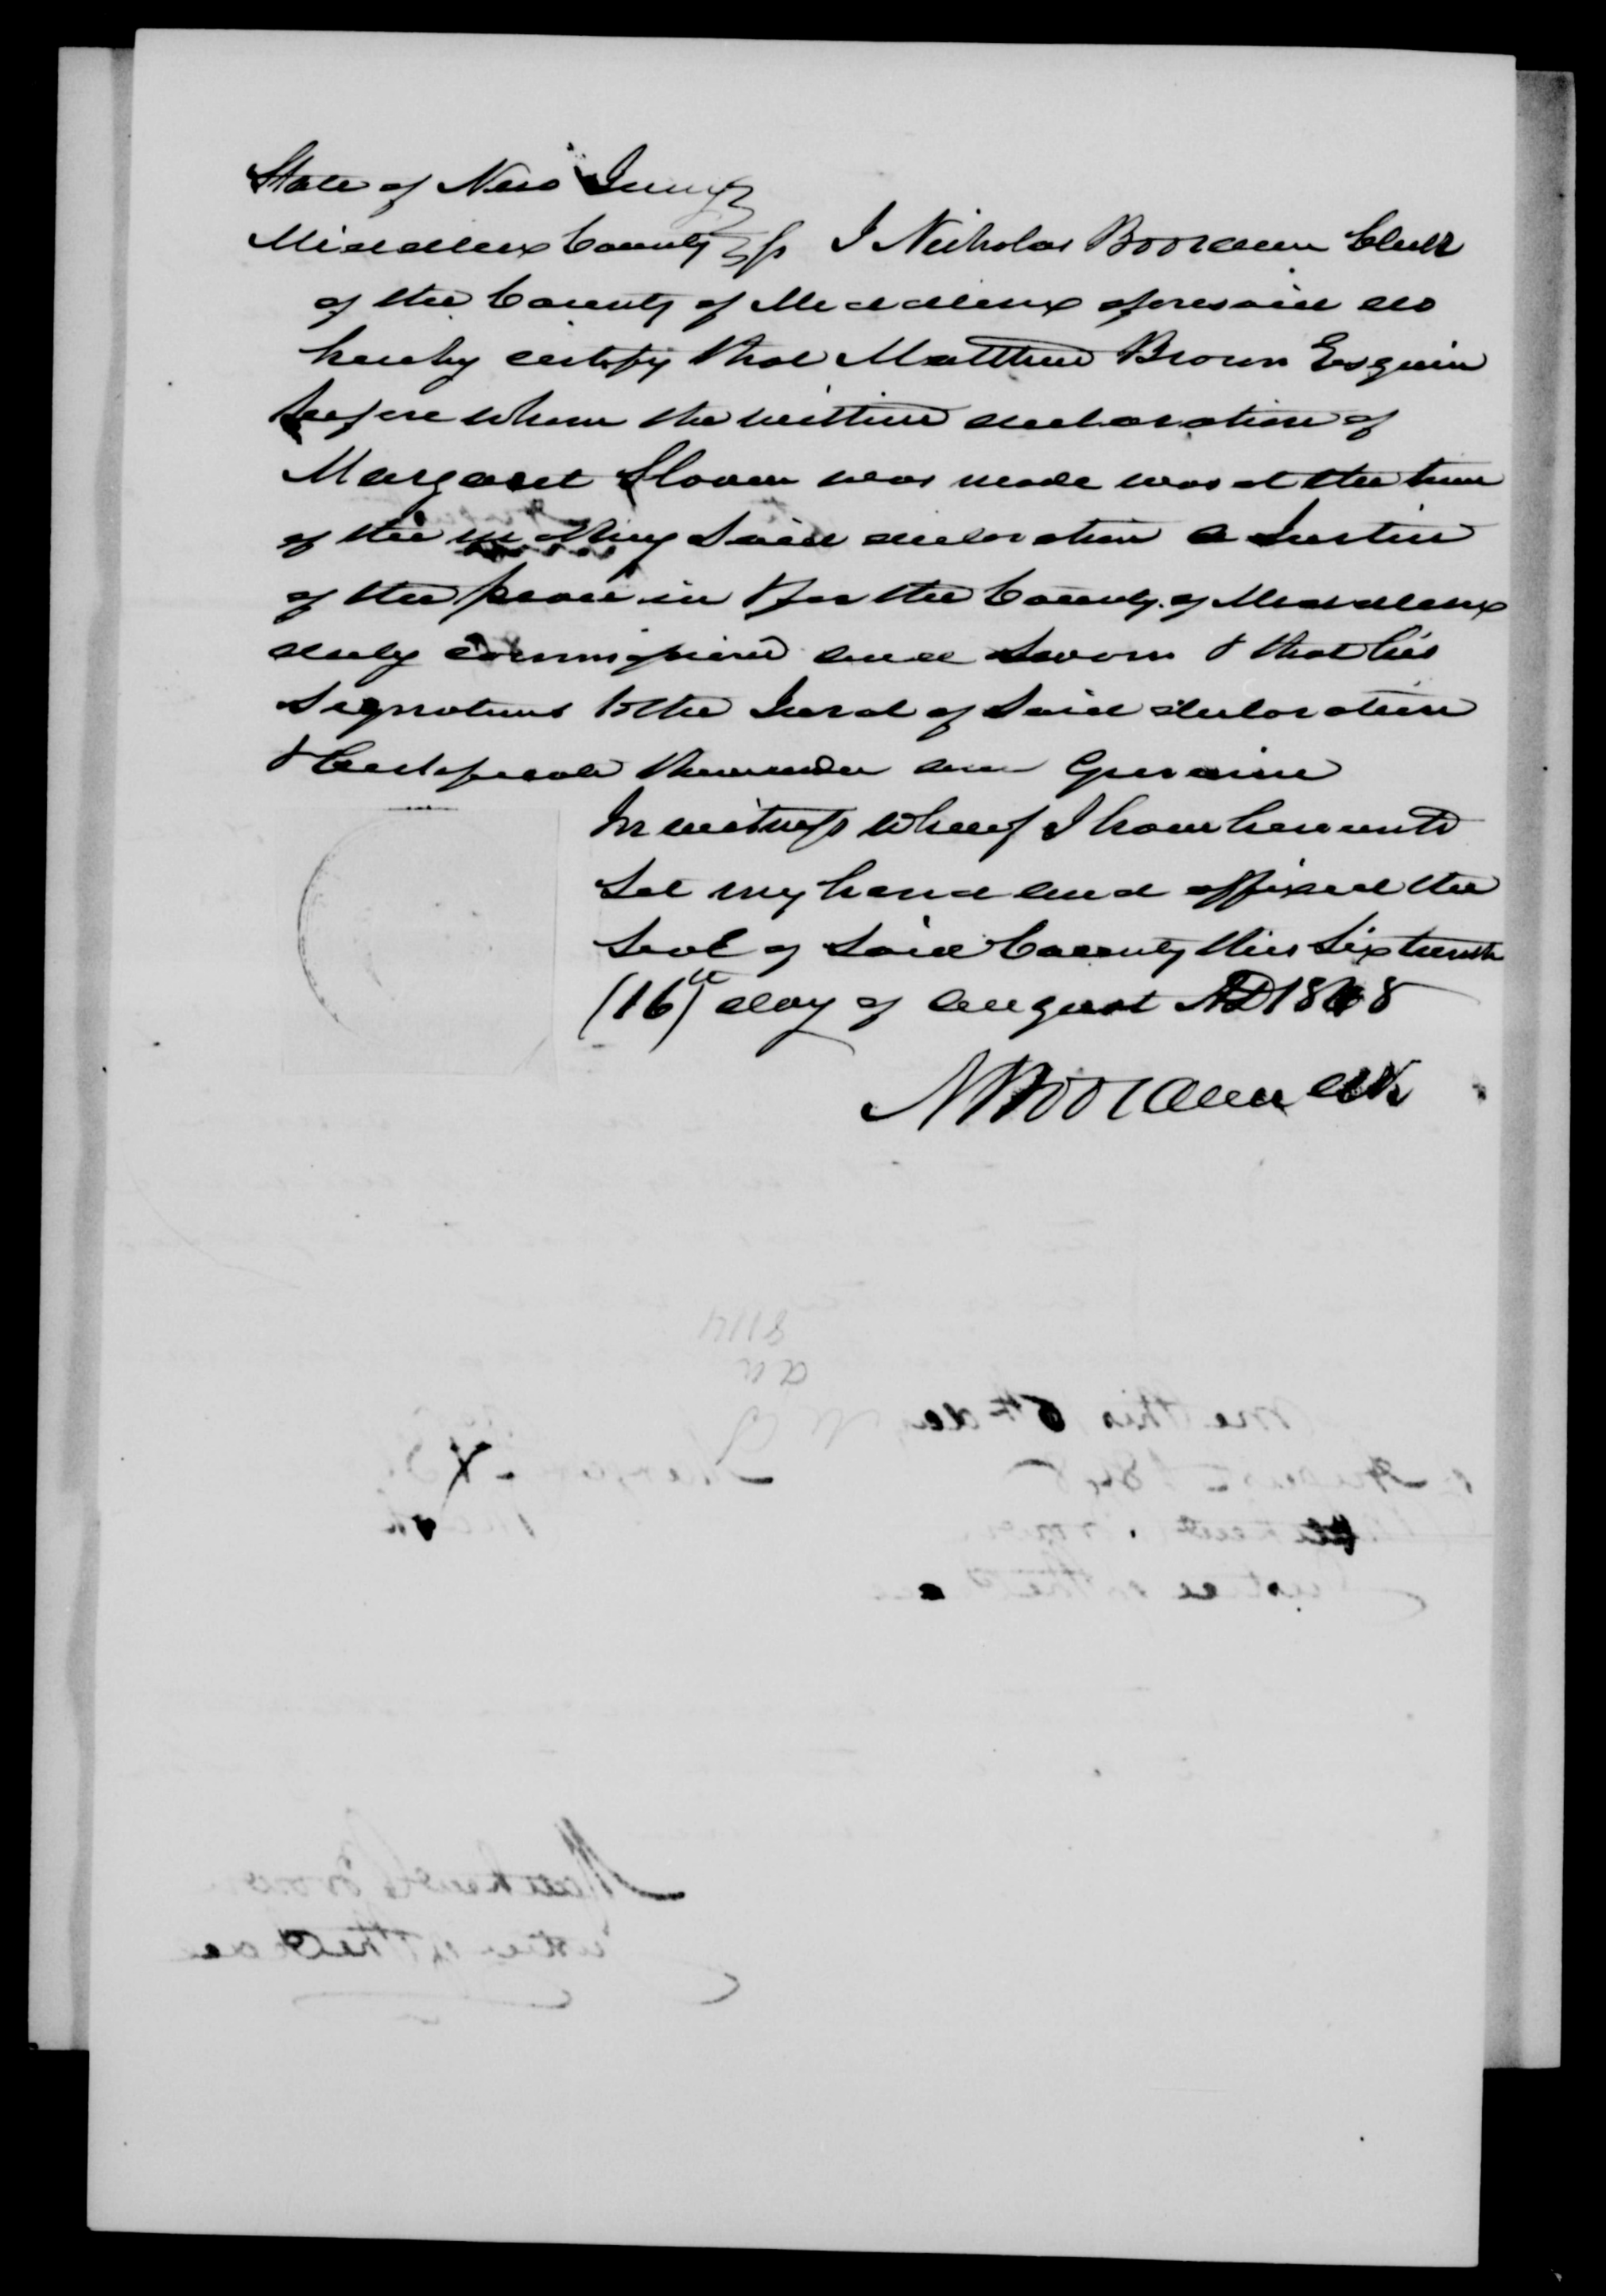State of New Jersey
Middlesex County//

I, Nicholas Booraem, Clerk of the County of Middlesex aforesaid, do hereby certify that Matthew Brown, Esquire, before whom the within declaration of Margaret Slover was made, was at the time of the making said declaration a Justice of the Peace in & for the County of Middlesex duly commissioned and sworn & that his signatures to the Jurat of said declaration & certificate thereunder are genuine.

In witness whereof I have hereunto set my Hand and affixed the Seal of said County this Sixteenth (16th) day of August A.D. 1848.
s/ N. Booraem, Clerk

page: 45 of 46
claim: widow's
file: W. 6205, for John Slover, New Jersey